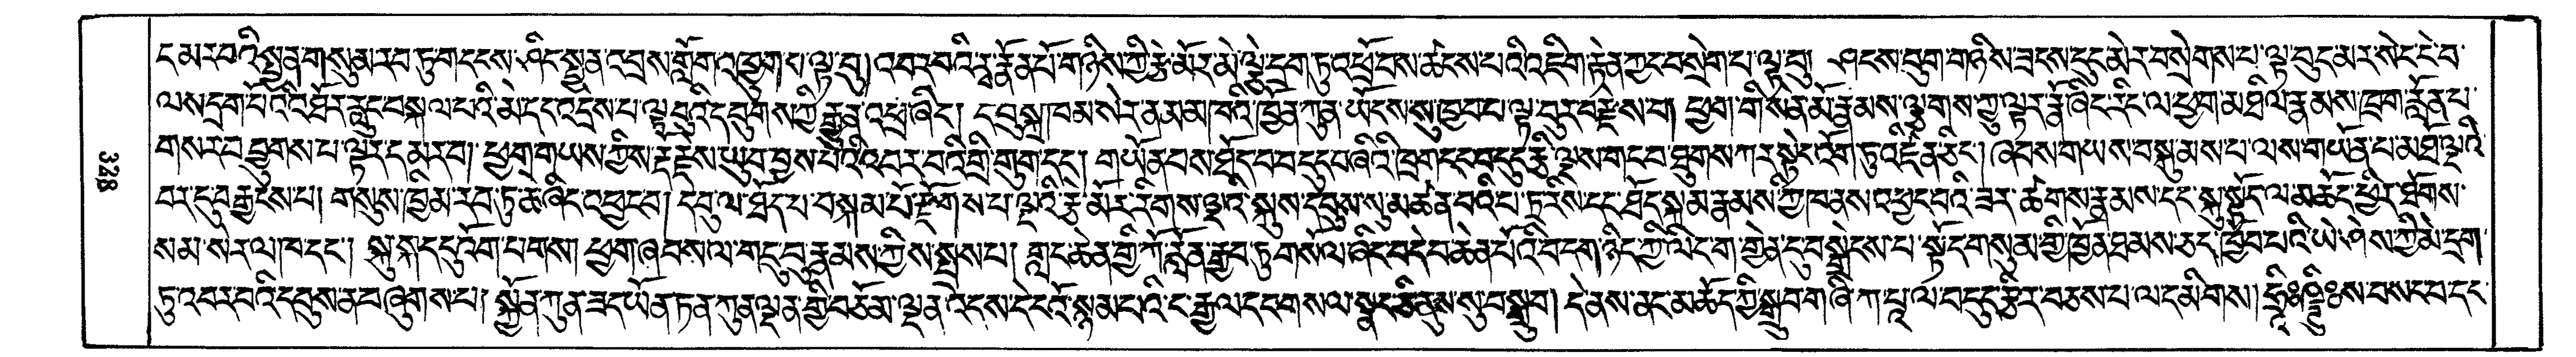དམར་བའི་སྤྱན་གསུམ་རབ་ཏུ་གདངས་ཤིང་སྤྱན་འབྲས་གློག་འཁྱུག་པ་ལྟ་བུ། འབར་བའི་རྭ་རྣོན་པོ་གཉིས་ཀྱི་རྩེ་མོར་མེ་ལྕེ་དྲག་ཏུ་འཕྲོ་བས་ཚངས་པའི་འཇིག་རྟེན་ཀྱང་བསྲེག་བ་ལྟ་བུ། སངས་བུག་གཉིས་ཟངས་དུང་མེར་བསྲེགས་པ་ལྟ་བུ་དམར་སེང་ངེ་བ་
ལས་དྲག་པོའི་འཐོར་རླུང་བསྐལ་པའི་མེ་དང་འདྲེས་པ་ལྟ་བུའི་དབུགས་ཀྱི་རྒྱུན་འཕྲོ་ཞིང་། དབུ་སྐྲ་ཁམ་སེར་ནམ་མཁའི་ཁྱོན་ཀུན་ཡོངས་སུ་ཁྱབ་པ་ལྟ་བུར་བརྫེས་པ། ཕྱག་གི་སེན་མོ་རྣམས་ལྕགས་ཀྱུ་ལྟར་རྣོ་ཞིང་རིང་ལ་ཕྱག་མཐིལ་རྣམས་ཁྲག་རློན་པ་
གསར་པ་བྱུགས་པ་ལྟར་དམར་ག་ཕྱག་གཡས་ཀྱིས་རྡོ་རྗེས་ཡུ་བ་བྱས་པའི་འབར་བའི་གྲི་གུག་དང་། གཡོན་པས་ཐོད་པ་བདུད་བཞིའི་ཁྲག་དང་བདུད་རྩི་ལྔས་གང་བ་ཐུགས་ཀར་སྟེང་འོག་ཏུ་འཛིན་ཅིང་། ཞབས་གཡས་བསྐུམས་པ་ལས་གཡོན་པ་མཐོ་ལྔའི་
བར་དུ་བརྐྱངས་པ། གསུས་ཁྱིམ་རབ་ཏུ་ཆེ་ཞིང་འཕྱང་བ། དབུ་ལ་ཐོད་པ་བསྐམ་པོ་རྫོགས་པ་ལྔའི་རྩེ་མོར་རིགས་ལྔའི་སྐུས་དབུས་སུ་མཚན་པའི་པ་ཏྲ་རིས་དང་ཐོད་སྐམ་རྣམས་ཀྱི་ཁ་ནས་འཕྱང་བའི་ཟར་ཚགས་རྣམས་དང་སྐུ་སྟོད་ལ་མཆོད་ཕྱིར་ཐོགས་
སམ་སེར་ལ་ཁ་དང་། སྐུ་སྐེད་དུ་འོག་པགས། ཕྱག་ཞབས་ལ་གདུ་བུ་རྣམས་ཀྱིས་སྤྲས་པ། གླང་ཆེན་གྱི་ཀོ་རློན་རྒྱབ་ཏུ་གསོལ་ཞིང་བདེ་བ་ཆེན་པོའི་བདག་ཉིད་ཀྱི་ལིང་ག་གྱེན་དུ་བསྒྲེངས་པ་སྟོང་གསུམ་གྱི་ཁྱོན་ཐམས་ཅད་ཁྱབ་པའི་ཡེ་ཤེས་ཀྱི་མེ་དྲག་
ཏུ་འབར་བའི་དབུས་ན་བཞུགས་པ། སྐྱོན་ཀུན་ཟད་ཡོན་ཏན་ཀུན་ལྡན་གྱི་བཅོམ་ལྡན་འདས་དེ་ངའོ་སྙམ་པའི་ང་རྒྱལ་དང་གསལ་སྣང་ཅི་ནུས་སུ་བསྒྲུབ། དེ་ནས་ནང་མཆོད་ཀྱི་སྒྲུབ་གཞི་ཀ་པཱ་ལ་བདུད་རྩིར་བཅས་པ་ལ་དམིགས། ཧྲཱིཿ ཥྚཱིཿ བསང་བ་དང་